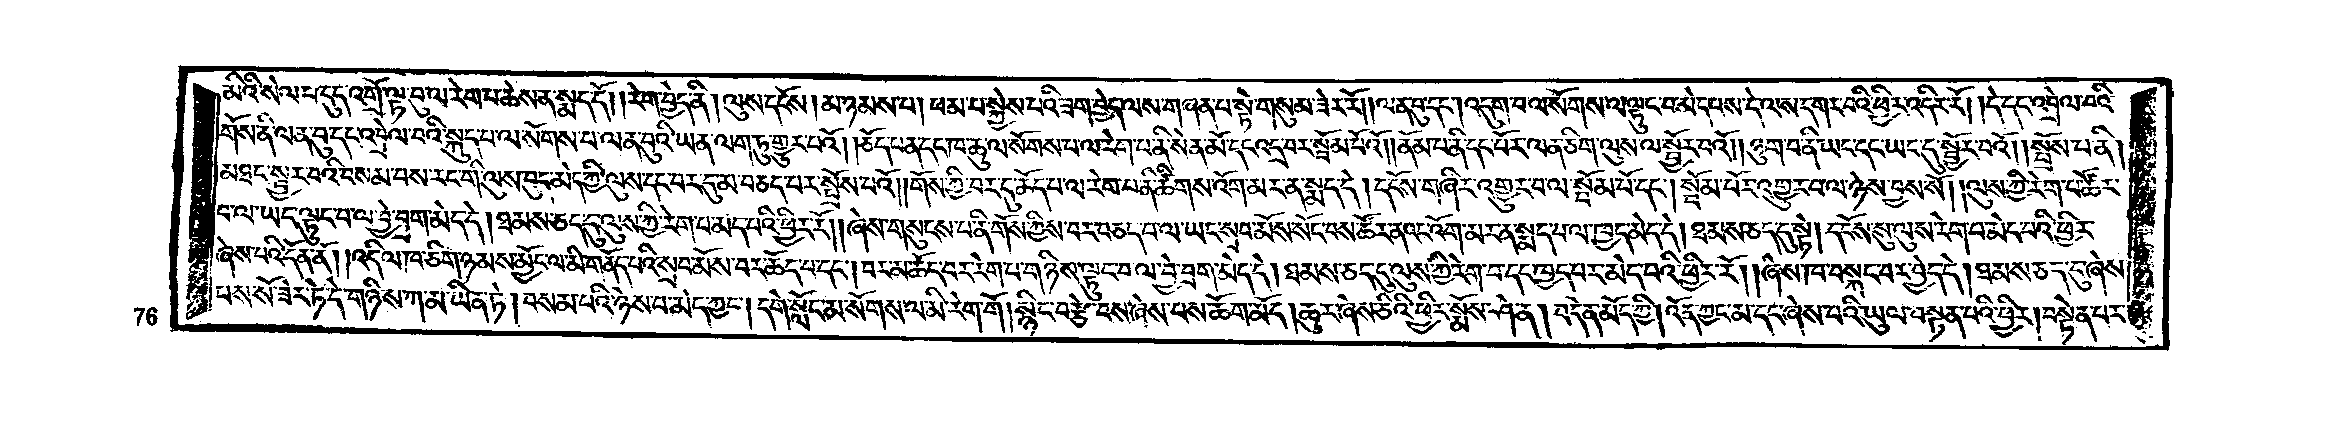མིའི་སེལ་བ་དུད་འགྲོ་ལྟ་བུ་ལ་རེག་པ་ཆེས་ན་སྨད་དོ། །རེག་བྱེད་ནི། ལུས་དངོས། མ་ཉམས་པ། ཕམ་པ་སྐྱེས་པའི་ཟག་བྱེད་ལས་གཞན་པ་སྟེ་གསུམ་ཟེར་རོ། །ལན་བུ་དང་། འདུག་པ་ལ་སོགས་ལ་ལྟུང་བ་མེད་པས་དེ་ལས་དགར་བའི་ཕྱིར་འདིར་རོ། །དེ་དང་འབྲེལ་བའི་
གོས་ནི་ལན་བུ་དང་འབྲེལ་བའི་སྐུད་པ་ལ་སོགས་པ་ལན་བུའི་ཡན་ལག་ཏུ་གྱུར་པའོ། །ཅོད་པན་དང་ཁ་ཆུ་ལ་སོགས་པ་ལ་རེག་པ་ནི་སེན་མོ་དང་འདྲ་བར་སྦོམ་པོའོ། །ནོམ་པ་ནི་དང་པོར་ལན་ཅིག་ལུས་ལ་སྦྱོར་བའོ། །ཉུག་བ་ནི་ཡང་དང་ཡང་དུ་སྦྱོར་བའོ། །སྤྲོས་པ་ནི།
མཐང་སྦྱར་བའི་བསམ་པས་རང་གི་ལུས་བུད་མེད་ཀྱི་ལུས་དང་བར་དུ་མ་བཅད་པར་སྤྲོས་པའོ། །གོས་ཀྱི་བར་དུ་ཆོད་པ་ལ་རེག་པ་ནི་ཚིགས་འོག་མར་ན་སྨད་དེ། དངོས་གཞིར་འགྱུར་བ་ལ་སྦོམ་པོ་དང་། སྦོམ་པོར་འགྱུར་བ་ལ་ཉེས་བྱས་སོ། །ལུས་ཀྱི་རེག་པ་ཚོར་
བ་ལ་ཡང་ལྟུང་བ་ལ་བྱེ་བྲག་མེད་དེ། ཐམས་ཅད་དུ་ལུས་ཀྱི་རེག་པ་མེད་པའི་ཕྱིར་རོ། །ཞེས་གསུངས་པ་ནི་གོས་ཀྱིས་བར་བཅད་པ་ལ་ཡང་སྲབ་མོས་སོང་བས་ཚོར་ནའང་འོག་མར་ན་སྨད་པ་ལ་ཁྱད་མེད་དེ། ཐམས་ཅད་དུ་སྟེ། དངོས་སུ་ལུས་རེག་པ་མེད་པའི་ཕྱིར་
ཞེས་པའི་དོན་ནོ། །འདི་ལ་ཁ་ཅིག་ཉམས་མྱོང་ལ་མི་གནོད་པའི་སྲབ་མོས་བར་ཆོད་པ་དང་། བར་མ་ཆོད་པར་རེག་པ་གཉིས་ལྟུང་བ་ལ་བྱེ་བྲག་མེད་དེ། ཐམས་ཅད་དུ་ལུས་ཀྱི་རེག་པ་དང་ཁྱད་པར་མེད་པའི་ཕྱིར་རོ། །ཞེས་ཁ་བསྐང་བར་བྱེད་དེ། ཐམས་ཅད་དུ་ཞེས་
པས་སོ་ཟེར་ཏེ་དེ་གཉིས་ཀ་མ་ཡིན་ཏེ། བསམ་པའི་ཉེས་པ་མེད་ཀྱང་། དགེ་སློང་མ་སོགས་ལ་མི་རེག་གོ །སྙིང་བརྩེ་བས་ཞེས་པས་ཆོག་མོད། ཆུར་ཞེས་ཅིའི་ཕྱིར་སྨོས་ཤེ་ན། བདེན་མོད་ཀྱི། འོན་ཀྱང་མ་དང་ཞེས་པའི་ཡུལ་བསྟན་པའི་ཕྱིར། བསྟེན་པར་